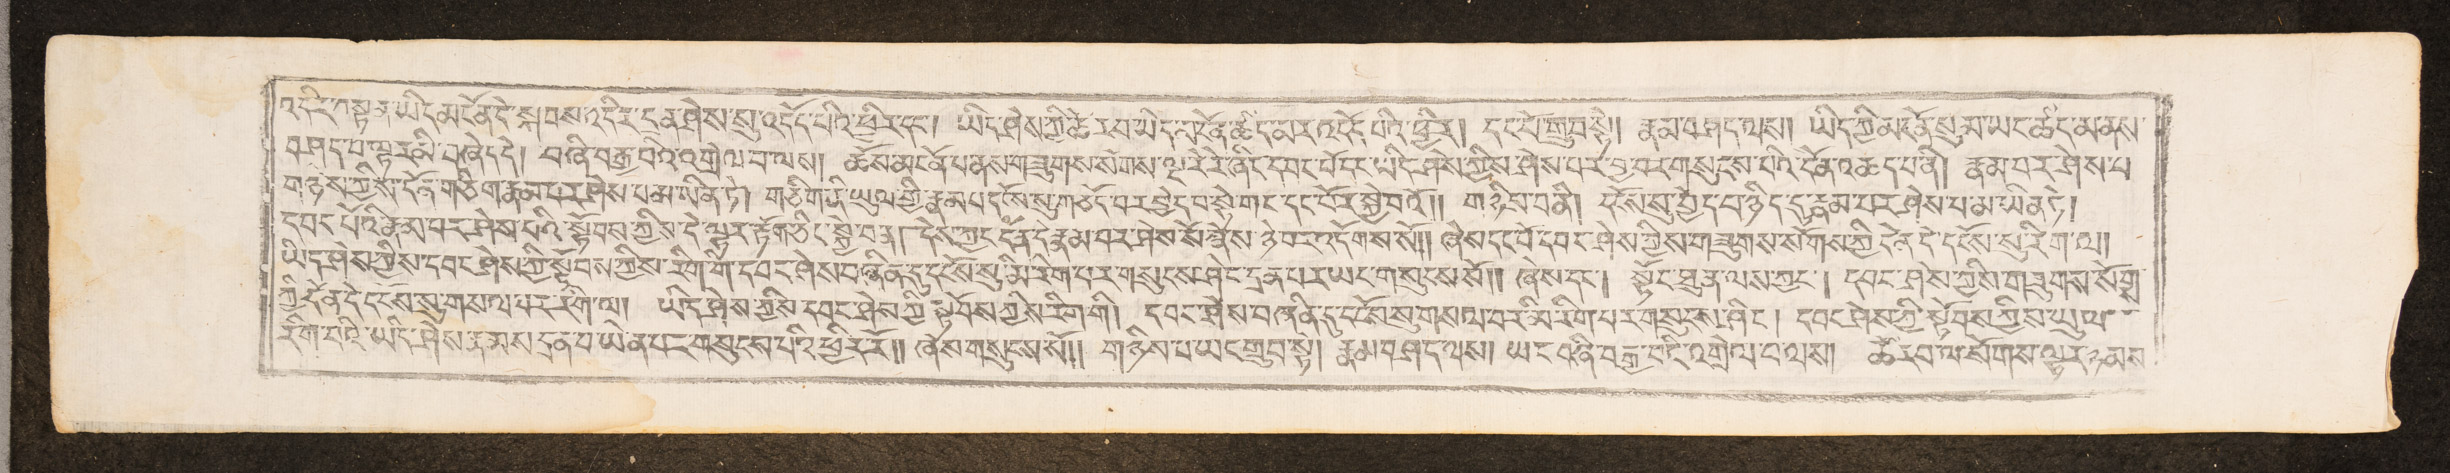འདིར་བསྟན་ཡིད་མངོན་དེ་སྐབས་འདིར་དྲན་ཤེས་སུ་འདོད་པའི་ཕྱིར་དང་། ཡིད་ཤེས་ཀྱི་ཚོར་བ་ཡིད་མ་ངོན་ཚར་མར་འདོད་པའི་ཕྱིར། དང་པོ་གྲུབ་སྟེ། རྣམ་བཤད་ལས། ཡིད་ཀྱི་མངོན་སུམ་ཡང་ཚད་མ་ནས་
བཤད་པ་ལྟར་མི་བཞེད་དེ། བཞི་བརྒྱ་བའི་འགྲེལ་པ་ལས། ཆོས་མངོན་པ་ནས་གཟུགས་སོགས་ལྔ་རེ་རེ་ཞིང་དབན་པོ་དང་ཡིད་ཤེས་ཀྱིས་ཤེས་པར་བྱ་བར་གསུངས་པའི་དོན་འཆད་པ་ནི། རྣམ་པར་ཤེས་པ་
གཉིས་ཀྱིས་དོན་གཅིག་རྣམ་པར་ཤེས་པ་མ་ཡིན་ཏེ། གཅིག་ནི་ཡུལ་གྱི་རྣམ་པ་དངོས་སུ་གཅོད་པར་བྱེད་པ་སྟེ་གང་དང་པོར་སྐྱེ་བའོ།། གཉིས་པ་ནི། དངོས་སུ་བྱེད་པ་ཉིད་དུ་རྣམ་པར་ཤེས་པ་མ་ཡིན་ཏེ།
དབང་པོའི་རྣམ་པར་ཤེས་པའི་སྟོབས་ཀྱིས་དེ་ལྟར་རྟོག་ཅིང་སྐྱེད་བ་ན། དེས་ཀྱང་དོན་དེ་རྣམ་པར་ཤེས་སོ་ཞེས་ཉེ་བར་འདོགས་སོ། །ཞེས་དང་པོ་དབང་ཞེས་ཀྱིས་གཟུགས་སོགས་ཀྱི་དོན་དེ་དངོས་སུ་རིག་ལ།
ཡིད་ཤེས་ཀྱིས་དབང་ཤེས་ཀྱི་སྟོབས་ཀྱིས་རིག་གི་དབང་ཤེས་བཞིན་དུ་དངོས་སུ་མི་རིག་པར་གསུངས་ཤིང་དྲན་པར་ཡང་གསུངས་སོ། །ཞེས་དང་། སྟོང་ཐུན་ལས་ཀྱང་། དབང་ཤེས་ཀྱིས་གཟུགས་སོགས་
ཀྱི་དོན་དེ་དངོས་སུ་གསལ་བར་རིག་ལ། ཡིད་ཤེས་ཀྱིས་དབང་ཤེས་ཀྱི་སྟོབས་ཀྱིས་རིག་གི། དབང་ཤེས་བཞིན་དུ་དངོས་སུ་གསལ་བར་མི་རིག་པར་གསུངས་ཤིང་། དབང་ཤེས་ཀྱི་སྟོབས་ཀྱིས་ཡུལ་
རིག་པའི་ཡིད་ཤེས་རྣམས་དྲན་པ་ཡིན་པར་གསུངས་པའི་ཕྱིར་རོ།། ཞེས་གསུངས་སོ། །གཉིས་པ་ཡང་གྲུབ་སྟེ། རྣམ་བཤད་ལས། ཡང་བཞི་བརྒྱ་བའི་འགྲེལ་བ་ལས། ཚོར་བ་ལ་སོགས་ལྟར་ཉམས་